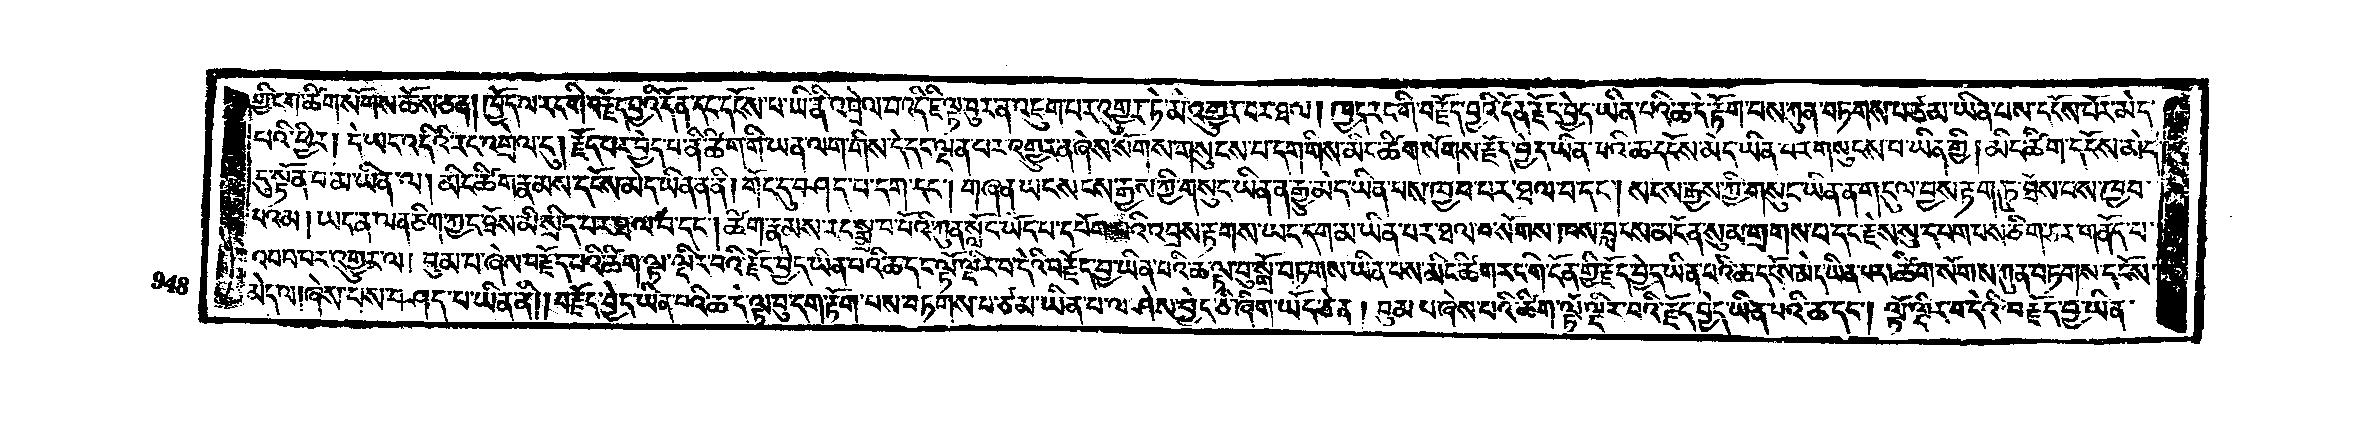གྱི་ངག་ཚིག་སོགས་ཆོས་ཅན། ཁྱོད་ལ་རང་གི་བརྗོད་བྱའི་དོན་དང་དངོས་པ་ཡི་ནི་འབྲེལ་བ་འདི་ཇི་ལྟ་བུར་ན་འཇུག་པར་འགྱུར་ཏེ་མེ་འགྱུར་བར་ཐལ། ཁྱད་རང་གི་བརྗོད་བྱའི་དོན་རྗོད་བྱེད་ཡིན་པའི་ཆ་དེ་རྟོག་པས་ཀུན་བཏགས་པ་ཙམ་ཡིན་པས་དངོས་པོར་མེད་
པའི་ཕྱིར། དེ་ཡང་འདིའི་རང་འགྲེལ་དུ། རྗོད་པར་བྱེད་པ་ནི་ཚིག་གི་ཡན་ལག་གིས་དེ་དང་ལྡན་པར་འགྱུར་ན་ཞེས་སོགས་གསུངས་པ་དག་གིས་མིང་ཚིག་སོགས་རྗོད་བྱེད་ཡིན་པའི་ཆ་དངོས་མེད་ཡིན་པར་གསུངས་པ་ཡིན་གྱི། མིང་ཚིག་དངོས་མེད་
དུ་སྟོན་པ་མ་ཡིན་ལ། མིང་ཚིག་རྣམས་དངོས་མེད་ཡིན་ན་ནི། གོང་དུ་བཤད་པ་དག་དང་། གཞན་ཡང་སངས་རྒྱས་ཀྱི་གསུང་ཡིན་ན་རྒྱུ་མེད་ཡིན་པས་ཁྱབ་པར་ཐལ་བ་དང་། སངས་རྒྱས་ཀྱི་གསུང་ཡིན་ན་གདུལ་བྱས་རྟག་ཏུ་ཐོས་པས་ཁྱབ་
པའམ། ཡང་ན་ལན་ཅིག་ཀྱང་ཐོས་མི་སྲིད་པར་ཐལ་བ་དང་། ཚིག་རྣམས་རང་སྨྲ་བ་པོའི་ཀུན་སློང་ཡོད་པ་དཔོག་པའི་འབྲས་རྟགས་ཡང་དག་མ་ཡིན་པར་ཐལ་བ་སོགས་ཁས་བླངས་མངོན་སུམ་གྲགས་པ་དང་རྗེས་སུ་དཔག་པས་ཅིག་ཅར་གནོད་པ་
འབབ་པར་འགྱུར་ལ། བུམ་པ་ཞེས་བརྗོད་པའི་ཚིག་ལྟ་ལྡིར་བའི་རྗོད་བྱེད་ཡིན་པའི་ཆ་དང་ལྟོ་ལྡིར་བ་དེའི་བརྗོད་བྱ་ཡིན་པའི་ཆ་ལྟ་བུ་སྒྲོ་བཏགས་ཡིན་པས་མིང་ཚིག་རང་གི་དོན་གྱི་རྗོད་བྱེད་ཡིན་པའི་ཆ་དངོས་མེད་ཡིན་པར། ཚིག་སོགས་ཀུན་བཏགས་དངོས་
མེད་ལ། ཞེས་པས་བཤད་པ་ཡིན་ནི། བརྗོད་བྱེད་ཡིན་པའི་ཆ་དེ་ལྟ་བུ་དག་རྟོག་པས་བཏགས་པ་ཙམ་ཡིན་པ་ལ་ཤེས་བྱེད་ཅི་ཞིག་ཡོད་ཅེ་ན། བུམ་པ་ཞེས་པའི་ཚིག་ལྟོ་ལྡིར་བའི་རྗོད་བྱེད་ཡིན་པའི་ཆ་དང་། ལྟོ་ལྡིར་བ་དེའི་བརྗོད་བྱ་ཡིན་